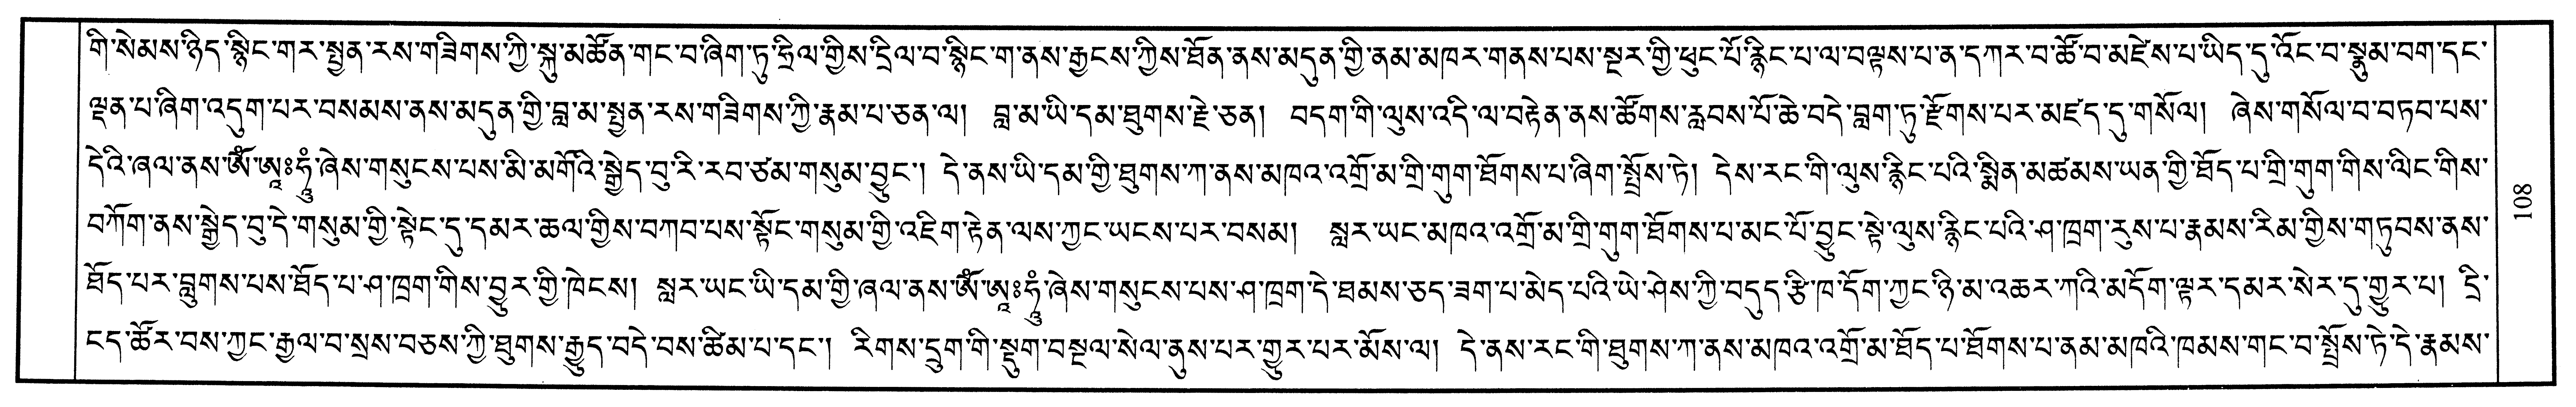གི་སེམས་ཉིད་སྙིང་གར་སྤྱན་རས་གཟིགས་ཀྱི་སྐུ་མཚོན་གང་བ་ཞིག་ཏུ་ཧྲིལ་གྱིས་དྲིལ་བ་སྙིང་ག་ནས་རྒྱངས་ཀྱིས་ཐོན་ནས་མདུན་གྱི་ནམ་མཁར་གནས་པས་སྔར་གྱི་ཕུང་པོ་རྙིང་པ་ལ་བལྟས་པ་ན་དཀར་བ་ཚོ་བ་མཛེས་པ་ཡིད་དུ་འོང་བ་སྣུམ་བག་དང་
ལྡན་པ་ཞིག་འདུག་པར་བསམས་ནས་མདུན་གྱི་བླ་མ་སྤྱན་རས་གཟིགས་ཀྱི་རྣམ་པ་ཅན་ལ། བླ་མ་ཡི་དམ་ཐུགས་རྗེ་ཅན། བདག་གི་ལུས་འདི་ལ་བརྟེན་ནས་ཚོགས་རླབས་པོ་ཆེ་བདེ་བླག་ཏུ་རྫོགས་པར་མཛད་དུ་གསོལ། ཞེས་གསོལ་བ་བཏབ་པས་
དེའི་ཞལ་ནས་ཨོཾ་ཨཱཿ ཧཱུཾ་ཞེས་གསུངས་པས་མི་མགོའི་སྒྱེད་བུ་རི་རབ་ཙམ་གསུམ་བྱུང་། དེ་ནས་ཡི་དམ་གྱི་ཐུགས་ཀ་ནས་མཁའ་འགྲོ་མ་གྲི་གུག་ཐོགས་པ་ཞིག་སྤྲོས་ཏེ། དེས་རང་གི་ལུས་རྙིང་པའི་སྨིན་མཚམས་ཡན་གྱི་ཐོད་པ་གྲི་གུག་གིས་ལིང་གིས་
བཀོག་ནས་སྒྱེད་བུ་དེ་གསུམ་གྱི་སྟེང་དུ་དམར་ཆལ་གྱིས་བཀབ་པས་སྟོང་གསུམ་གྱི་འཇིག་རྟེན་ལས་ཀྱང་ཡངས་པར་བསམ། སླར་ཡང་མཁའ་འགྲོ་མ་གྲི་གུག་ཐོགས་པ་མང་པོ་བྱུང་སྟེ་ལུས་རྙིང་པའི་ཤ་ཁྲག་རུས་པ་རྣམས་རིམ་གྱིས་གཏུབས་ནས་
ཐོད་པར་བླུགས་པས་ཐོད་པ་ཤ་ཁྲག་གིས་བྱུར་གྱི་ཁེངས། སླར་ཡང་ཡི་དམ་གྱི་ཞལ་ནས་ཨོཾ་ཨཱཿ ཧཱུཾ་ཞེས་གསུངས་པས་ཤ་ཁྲག་དེ་ཐམས་ཅད་ཟག་པ་མེད་པའི་ཡེ་ཤེས་ཀྱི་བདུད་རྩི་ཁ་དོག་ཀྱང་ཉི་མ་འཆར་ཀའི་མདོག་ལྟར་དམར་སེར་དུ་གྱུར་པ། དྲི་
ངད་ཚོར་བས་ཀྱང་རྒྱལ་བ་སྲས་བཅས་ཀྱི་ཐུགས་རྒྱུད་བདེ་བས་ཚིམ་པ་དང་། རིགས་དྲུག་གི་སྡུག་བསྔལ་སེལ་ནུས་པར་གྱུར་པར་མོས་ལ། དེ་ནས་རང་གི་ཐུགས་ཀ་ནས་མཁའ་འགྲོ་མ་ཐོད་པ་ཐོགས་པ་ནམ་མཁའི་ཁམས་གང་བ་སྤྲོས་ཏེ་དེ་རྣམས་